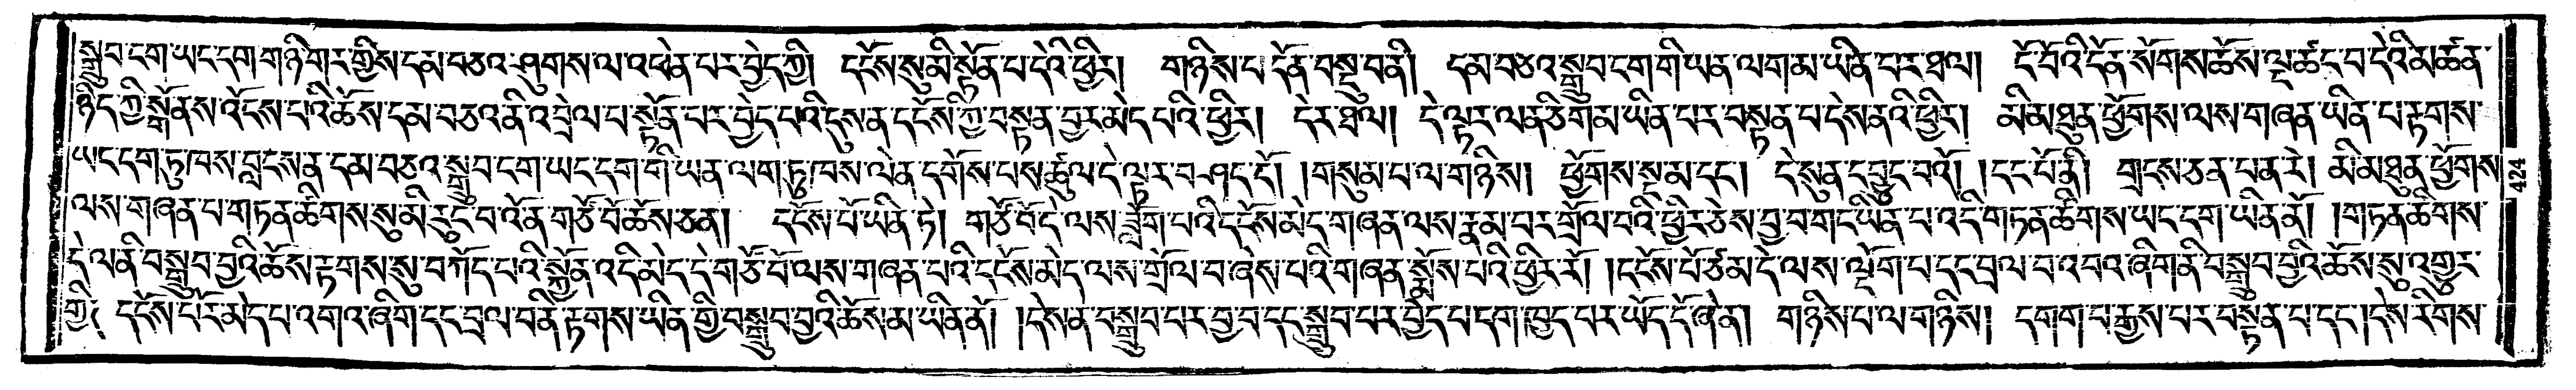སྒྲུབ་ངག་ཡང་དག་གཉི་གར་གྱིས་དམ་བཅའ་ཤུགས་ལ་འཕེན་པར་བྱེད་ཀྱི། དངོས་སུ་མི་སྟོན་པ་དེའི་ཕྱིར། གཉིས་པ་དོན་བསྡུ་བ་ནི། དམ་བཅའ་སྒྲུབ་ངག་གི་ཡན་ལག་མ་ཡིན་པར་ཐལ། ངོ་བོའི་དོན་སོགས་ཆོས་ལྔ་ཚང་བ་དེའི་མཚན་
ཉིད་ཀྱི་སྒོ་ནས་འོངས་པའི་ཆོས་དམ་བཅའ་ནི་འབྲེལ་པ་སྟོན་པར་བྱེད་པའི་དུས་ན་དངོས་ཀྱི་བསྟན་བྱར་མེད་པའི་ཕྱིར། དེར་ཐལ། དེ་ལྟར་ལན་ཅིག་མ་ཡིན་པར་བསྟན་པ་དེས་ནའི་ཕྱིར། མི་མཐུན་ཕྱོགས་ལས་གཞན་ཡིན་པ་རྟགས་
ཡང་དག་ཏུ་ཁས་བླངས་ན་དམ་བཅའ་སྒྲུབ་ངག་ཡང་དག་གི་ཡན་ལག་ཏུ་ཁས་ལེན་དགོས་པས་ཚུལ་དེ་ལྟར་བཤད་དོ། །གསུམ་པ་ལ་གཉིས། ཕྱོགས་སྔ་མ་དང་། དེ་སུན་དབྱུང་བའོ། །དང་པོ་ནི། གྲངས་ཅན་པ་ན་རེ། མི་མཐུན་ཕྱོགས་
ལས་གཞན་པ་གཏན་ཚིགས་སུ་མི་རུང་བ་འོ་ན་གཙོ་བོ་ཆོས་ཅན། དངོས་པོ་ཡིན་ཏེ། གཙོ་བོ་དེ་ལས་ཟློག་པའི་དངོས་མེད་གཞན་ལས་རྣམ་བར་གྲོལ་བའི་ཕྱིར་ཅེས་བྱ་བ་གང་ཡིན་པ་འདི་གཏན་ཚིགས་ཡང་དག་ཡིན་ནོ། །གཏན་ཚིགས་
དེ་ལ་ནི་བསྒྲུབ་བྱའི་ཆོས་རྟགས་སུ་བཀོད་པའི་སྐྱོན་འདི་མེད་དེ་གཙོ་བོ་ལས་གཞན་པའི་དངོས་མེད་ལས་གྲོལ་བ་ཞེས་པའི་གཞན་སྨོས་པའི་ཕྱིར་རོ། །དངོས་པོ་ཙམ་དེ་ལས་ལྡོག་པ་དང་བྲལ་བ་འབའ་ཞིག་ནི་བསྒྲུབ་བྱའི་ཆོས་སུ་འགྱུར་
གྱི༑ དངོས་པོར་མེད་པ་འགའ་ཞིག་དང་བྲལ་བ་ནི་རྟགས་ཡིན་གྱི་བསྒྲུབ་བྱའི་ཆོས་མ་ཡིན་ནོ། །དེས་ན་བསྒྲུབ་པར་བྱ་བ་དང་སྒྲུབ་པར་བྱེད་པ་དག་ཁྱད་པར་ཡོད་དོ་ཞེ་ན། གཉིས་པ་ལ་གཉིས། དགག་པ་རྒྱས་པར་བསྟན་པ་དང་། དེས་རིགས་